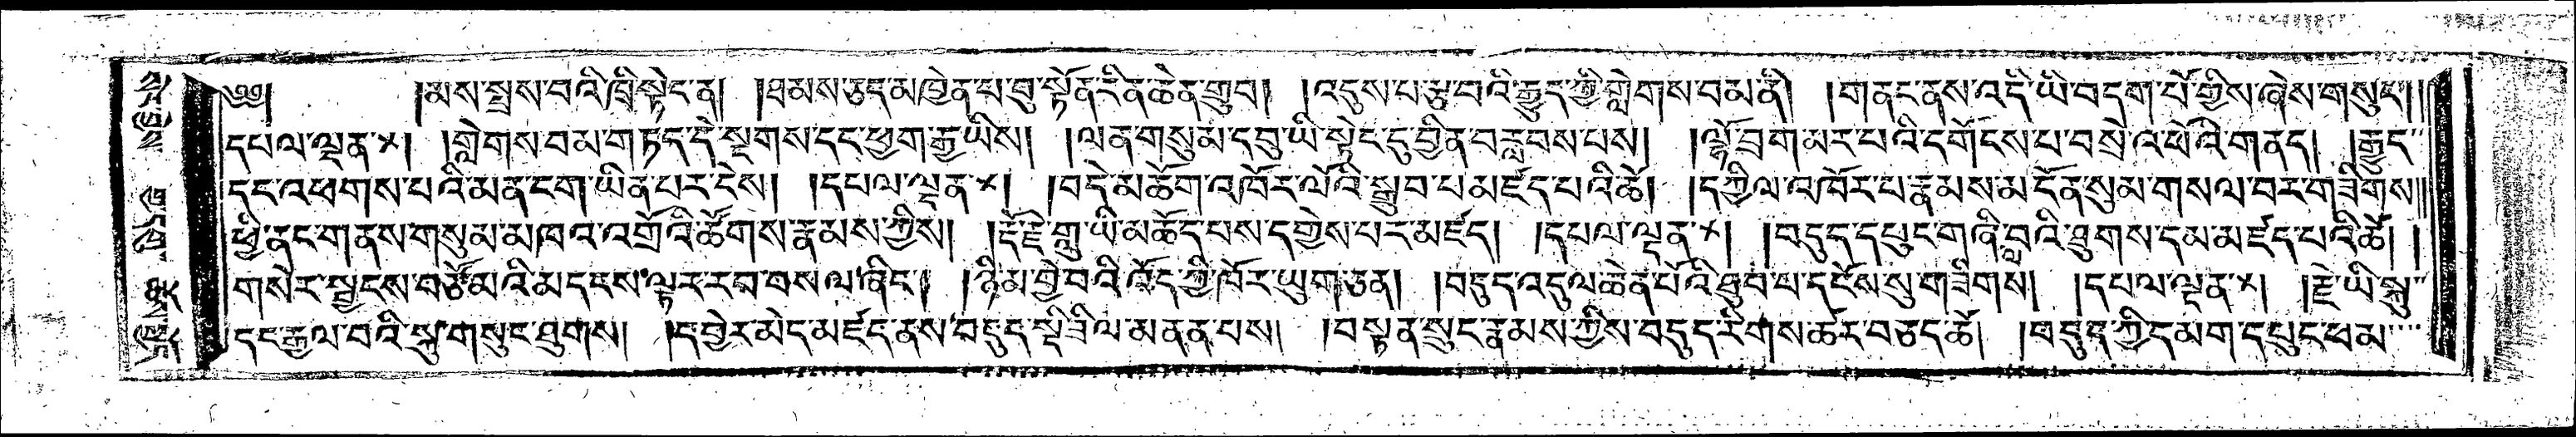༄༅། །མས་སྤྲས་བའི་ཁྲི་སྟེང་ན། །ཐམས་ཅད་མཁྱེན་པ་བུ་སྟོན་རིན་ཆེན་གྲུབ། །འདུས་པ་རྩ་བའི་རྒྱུད་ཀྱི་གླེགས་བམ་ནི། །གནང་ནས་འདི་ཡི་བདག་པོ་གྱིས་ཞེས་གསུངས། །
དཔལ་ལྡན་{྾}། །གླེགས་བམ་གཏད་དེ་སྔགས་དང་ཕྱག་རྒྱ་ཡིས། །ལན་གསུམ་དབུ་ཡི་སྟེང་དུ་བྱིན་བརླབས་པས། །ལྷོ་བྲག་མར་བའི་དགོངས་པ་བསྲེ་འཕོའི་གནད། །རྒྱུད་
དང་འཕགས་པའི་མན་ངག་ཡིན་པར་ངེས། །དཔལ་ལྡན་{྾}། །བདེ་མཆོག་འཁོར་ལོའི་སྒྲུབ་པ་མཛད་པའི་ཚེ། །དཀྱིལ་འཁོར་པ་རྣམས་མངོན་སུམ་གསལ་བར་གཟིགས། །
ཕྱི་ནང་གནས་གསུམ་མཁའ་འགྲོའི་ཚོགས་རྣམས་ཀྱིས། །རྡོ་རྗེ་གླུ་ཡི་མཆོད་པས་དགྱེས་པར་མཛད། །དཔལ་ལྡན་{྾}། །བདུད་དཔུང་གཞིལ་བའི་ཐུགས་དམ་མཛད་པའི་ཚེ། །
གསེར་སྦྱངས་བཙོ་མའི་མདངས་ལྟར་རབ་བསལ་ཞིང་། །ཉི་མ་བྱེ་བའི་འོད་ཀྱི་ཁོར་ཡུག་ཅན། །བདུད་འདུལ་ཆེན་པོའི་ཐུབ་པ་དངོས་སུ་གཟིགས། །དཔལ་ལྡན་{྾}། །རྗེ་ཡི་སྐུ་
དང་རྒྱལ་བའི་སྐུ་གསུང་ཐུགས། །དབྱེར་མེད་མཛད་ནས་བདུད་སྡི་ཟིལ་མནན་པས། །བསྟན་སྲུང་རྣམས་ཀྱིས་བདུད་རིགས་ཚར་བཅད་ཚེ། །བདུད་ཀྱི་དམག་དཔུང་ཕམ་